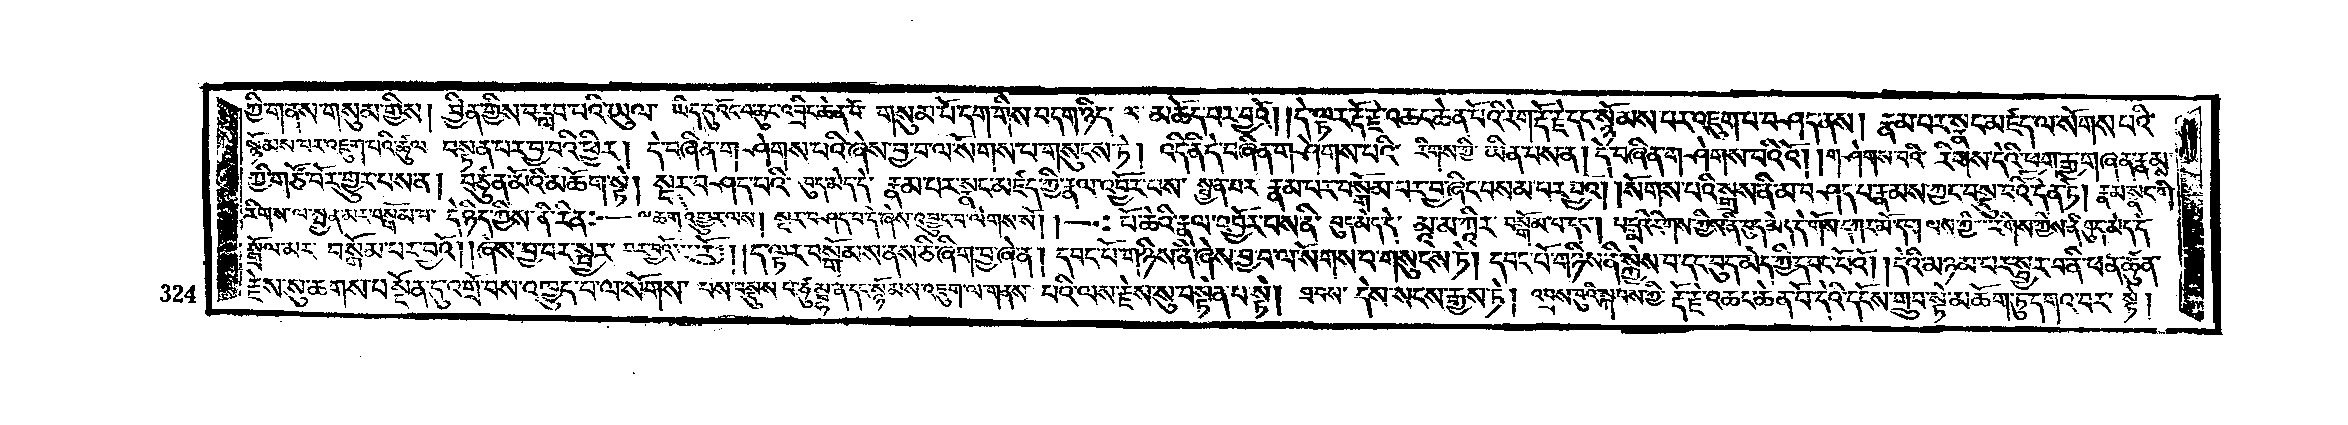ཀྱི་གནས་གསུམ་གྱིས། བྱིན་གྱིས་བརླབ་པའི་ཡུལ་ཡིད་དུ་འོང་བ་ཆུང་འབྲིང་ཆེན་པོ་གསུམ་པོ་དག་གིས་བདག་ཉིད་ལ་མཆོད་པར་བྱའོ། །དེ་ལྟར་རྡོ་རྗེ་འཆང་ཆེན་པོའི་རེག་རྡོ་རྗེ་དང་སྙོམས་པར་འཇུག་པ་བཤད་ནས། རྣམ་པར་སྣང་མཛད་ལ་སོགས་པའི་
སྙོམས་པར་འཇུག་པའི་ཚུལ་བསྟན་པར་བྱ་བའི་ཕྱིར། དེ་བཞིན་གཤེགས་པའི་ཞེས་བྱ་བ་ལ་སོགས་པ་གསུངས་ཏེ། འདི་ནི་དེ་བཞིན་གཤེགས་པའི་རིགས་ཀྱི་ཡིན་པས་ན། དེ་བཞིན་གཤེགས་པའི་འོ། ། གཤེགས་པའི་རིགས་དེའི་ཕྱག་རྒྱ་གཞན་རྣམས་
ཀྱི་གཙོ་བོར་གྱུར་པས་ན། བཙུན་མོའི་མཆོག་སྟེ། སྔར་བཤད་པའི་བུད་མེད་དེ་རྣམ་པར་སྣང་མཛད་ཀྱི་རྣལ་འབྱོར་པས་སྤྱན་མར་རྣམ་པར་བསྒོམ་པར་བྱ་ཞིང་བསམ་པར་བྱའོ། །སོགས་པའི་སྒྲས་ནི་མ་བཤད་པ་རྣམས་ཀྱང་བསྡུ་བའི་དོན་ཏེ། རྣམ་སྣང་གི་
རིགས་ལ་སྤྱན་མར་བསྒོམ་པ་དེ་ཉིད་ཀྱིས་ནི་རིན་H.་༧ཆག་འགྱུར་ལས། སྔར་བཤད་པ་དེ་ཞེས་འབྱུང་བ་ལེགས་སོ།།  .H པོ་ཆེའི་རྣལ་འབྱོར་པས་ནི་བུད་མེད་དེ་མཱ་མ་ཀཱིར་བསྒོམ་པ་དང་། པདམའི་རིགས་ཀྱིས་ནི་བུད་མེད་དེ་གོས་དཀར་མོ་དང་། ལས་ཀྱི་རིགས་ཀྱིས་ནི་བུད་མེད་དེ་སྒྲོལ་མར་བསྒོམ་པར་བྱའོ། །ཞེས་བྱ་བར་སྦྱར་བར་བྱའོ་རོ། །དེ་ལྟར་བསྒོམས་ནས་ཅི་ཞིག་བྱ་ཞེ་ན། དབང་པོ་གཉིས་ནི་ཞེས་བྱ་བ་ལ་སོགས་པ་གསུངས་ཏེ། དབང་པོ་གཉིས་ནི་སྐྱེས་པ་དང་བུད་མེད་ཀྱི་དབང་པོའོ། །དེའི་མཉམ་པར་སྦྱར་བ་ནི་ཕན་ཚུན་
རྗེས་སུ་ཆགས་པ་སྔོན་དུ་འགྲོ་བས་འཁྱུད་པ་ལ་སོགས་པས་བསྡུས་པ་ཙུམྦྷ་ན་དང་སྙོམས་འཇུག་ལ་གནས་པའི་ལས་རྗེས་སུ་བསྟེན་པ་སྟེ། ཐབས་དེས་སངས་རྒྱས་ཏེ། འབྲས་བུའི་སྐབས་ཀྱི་རྡོ་རྗེ་འཆང་ཆེན་པོ་དེའི་དངོས་གྲུབ་སྟེ་མཆོག་ཏུ་དགའ་བར་སྟེ།